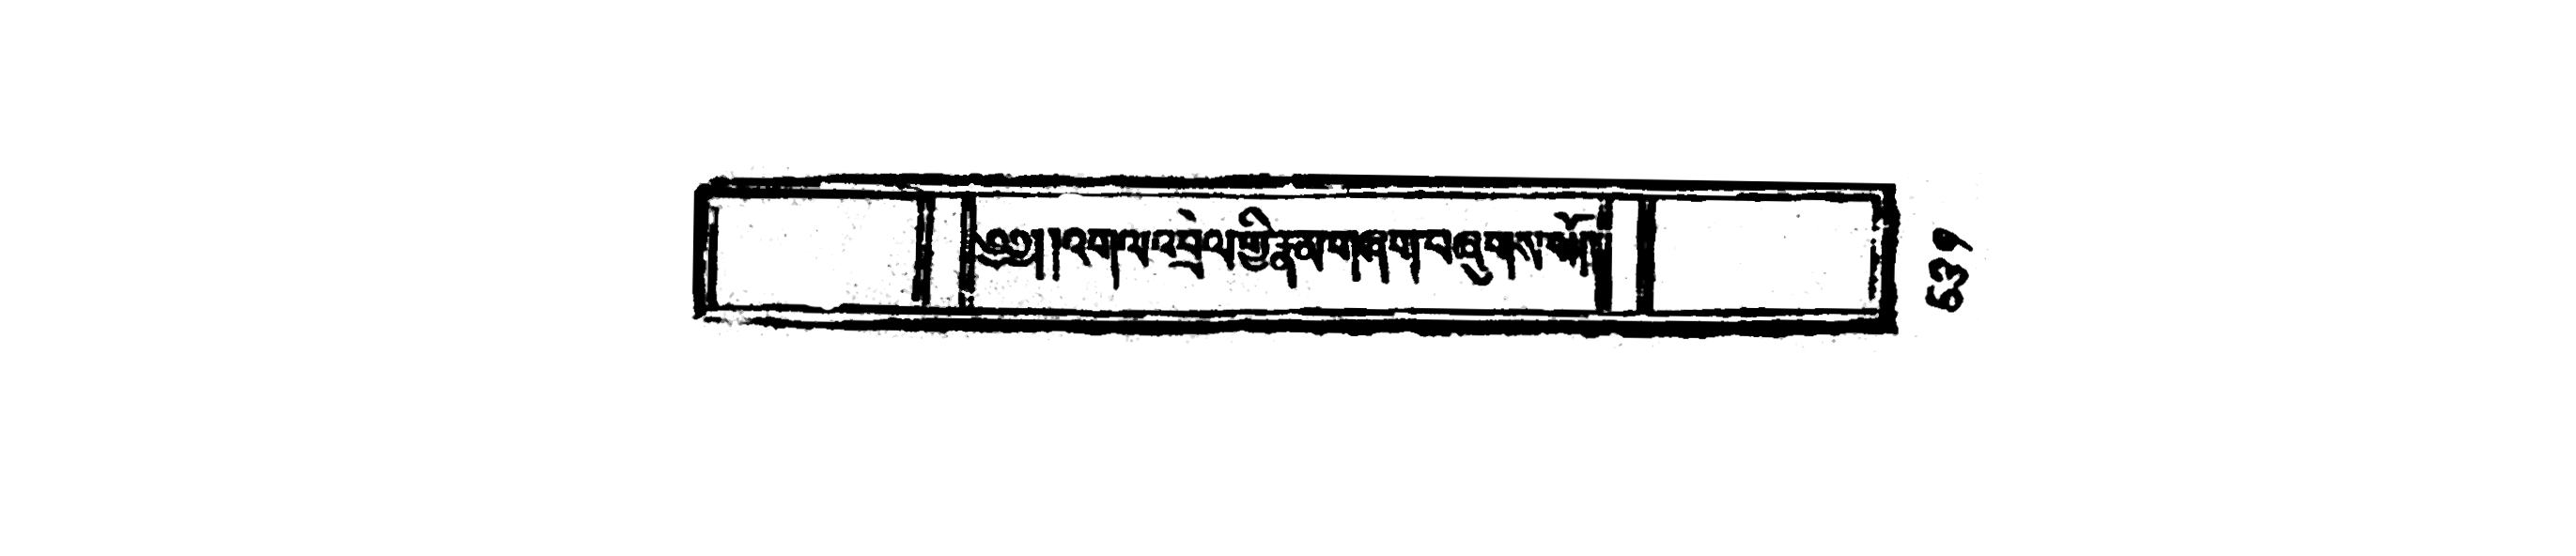༄༅། །འགལ་འབྲེལ་གྱི་རྣམ་གཞག་བཞུགས་སོ།།